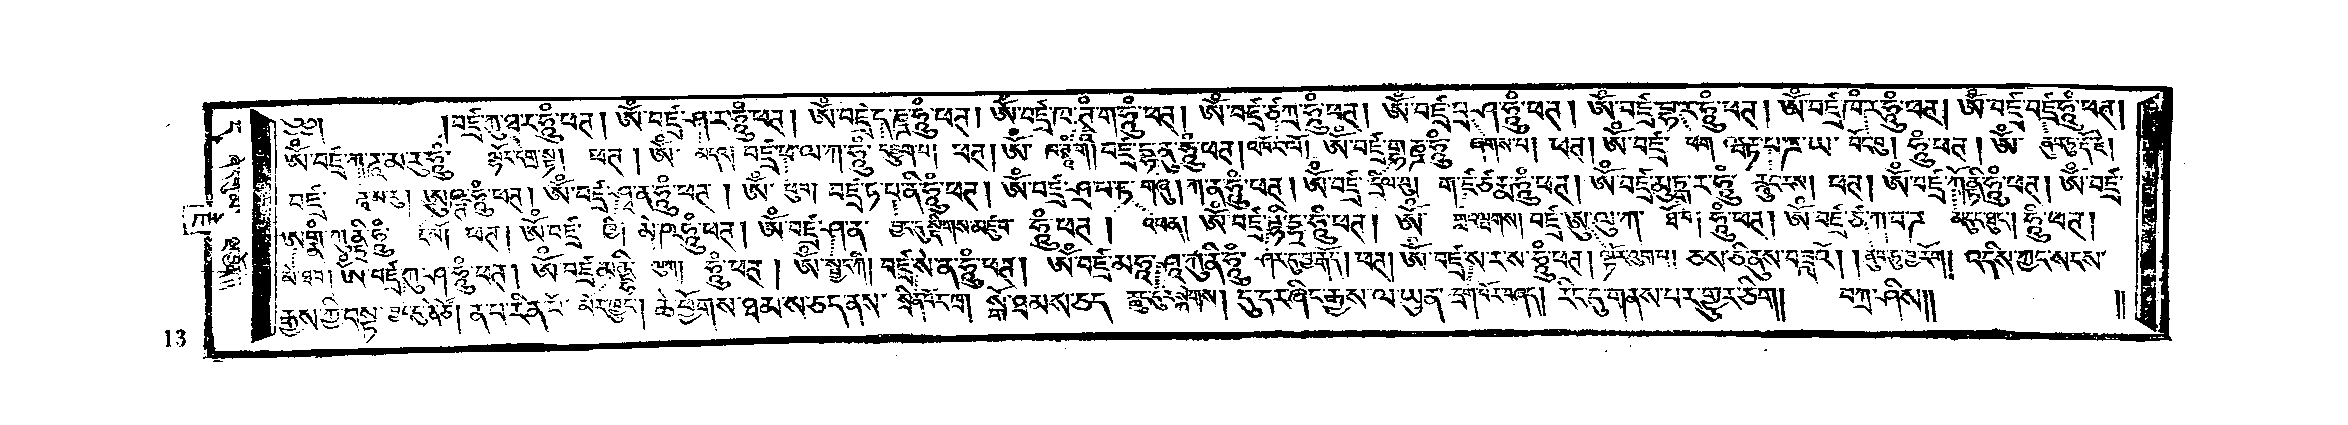༄༅། །བཛྲ་ཀུ་ཐ་ར་ཧཱུཾ་ཕཊ། ཨོཾ་བཛྲ་ཤ་ར་ཧཱུཾ་ཕཊ། ཨོཾ་བཛྲ་ད་ཎྜ་ཧཱུཾ་ཕཊ། ཨོཾ་བཛྲ་ཁ་ཊྲཱཾ་ག་ཧཱུཾ་ཕཊ། ཨོཾ་བཛྲ་ཙ་ཀྲ་ཧཱུཾ་ཕཊ། ཨོཾ་བཛྲ་པྲ་ཤ་ཧཱུཾ་ཕཊ། ཨོཾ་བཛྲ་བྷ་ར་ཧཱུཾ་ཕཊ། ཨོཾ་བཛྲ་ཁཾ་ར་ཧཱུཾ་ཕཊ། ཨོཾ་བཛྲ་བཛྲ་ཧཱུཾ་ཕཊ།
ཨོཾ་བཛྲ་ཀ་ཌཱ་མ་རུ་ཧཱུཾ་ལྷོར་དགྲ་སྟེ། ཕཊ། ཨོཾ་མཛའ། བཛྲ་ཕ་ལ་ཀ་ཧཱུཾ་དབྱུག་པ་ཕཊ། ཨོཾ་ཁ་ཏྭཱཾ་ག། བཛྲ་དྷ་ནུ་ཧཱུཾ་ཕཊ། འཁོར་ལོ། ཨོཾ་བཛྲ་གྷ་ཎྜ་ཧཱུཾ་ཞགས་པ། ཕཊ། ཨོཾ་བཛྲ་ཕག་ཝ་རྟ་པ་ཌ་ཡ་བོང་བུ། ཧཱུཾ་ཕཊ། ཨོཾ་ནུབ་ཏུ་རྡོ་རྗེ།
བཛྲ་ཌཱ་མ་རུ། ཨུཥྚ་ཧཱུཾ་ཕཊ། ཨོཾ་བཛྲ་ཤྭ་ན་ཧཱུཾ་ཕཊ། ཨོཾ་ཕུབ། བཛྲ་ཏ་པ་ནི་ཧཱུཾ་ཕཊ། ཨོཾ་བཛྲ་ཤྲ་པ་ཏ་གཞུ། ཀ་ན་ཧཱུཾ་ཕཊ། ཨོཾ་བཛྲ་དྲིལ་བུ། ག་ཛ་ཙ་རྨ་ཧཱུཾ་ཕཊ། ཨོཾ་བཛྲ་མུཏྒ་ར་ཧཱུཾ་རླུང་རས། ཕཊ། ཨོཾ་བཛྲ་ཀོནྟི་ཧཱུཾ་ཕཊ། ཨོཾ་བཛྲ་
ཨགནཾ་ཀུནྟྲི་ཧཱུཾ་རྔ་མོ། ཕཊ། ཨོཾ་བཛྲ་ཁྱི། མེ་ཥ་ཧཱུཾ་ཕཊ། ཨོཾ་བཛྲ་ཤ་ན་བྱང་དུ་སྡིགས་མཛུབ་ཧཱུཾ་ཕཊ། འཕན། ཨོཾ་བཛྲ་ཌྷི་དྷྲ་ཧཱུཾ་ཕཊ། ཨོཾ་གླིང་ལྤགས། བཛྲ་ཨུ་ལུ་ཀ་ཐོ་བ། ཧཱུཾ་ཕཊ། ཨོཾ་བཛྲ་ཙ་ཀ་བ་ཌ་མདུང་ཐུང་། ཧཱུཾ་ཕཊ།
མེ་ཐབ། ཨོཾ་བཛྲ་ཀུ་ཤ་ཧཱུཾ་ཕཊ། ཨོཾ་བཛྲ་མནྡྷི་ལུག། ཧཱུཾ་ཕཊ། ཨོཾ་སྦྱང་ཀི། བཛྲ་སེ་ན་ཧཱུཾ་ཕགས། ཨོཾ་བཛྲ་མཧཱ་ཤཱ་ཀུ་ནི་ཧཱུཾ་ཤར་དུ་བྱ་རྒོད། ཕགས། ཨོཾ་བཛྲ་ས་ར་ས་ཧཱུཾ་ཕགས། ལྷོར་འུག་པ། ཅས་ཅི་ནུས་བཟླའོ། །ནུབ་ཏུ་བྱ་རོག །འདིས་ཀྱང་སངས་
རྒྱས་ཀྱི་བསྟ་བྱང་དུ་ནེ་ཙོ། ན་པ་རིན་པོ་མེར་ཁྱུད། ཆེ་ཕྱོགས་ཐམས་ཅད་ནས་སྲིན་བོར་ཁྲ། སྒོ་ཐམས་ཅད། རླུང་དུར་སྐེགས། དུ་དར་ཞིང་རྒྱས་ལ་ཡུན་དྲག་པོར་བཞད། རིང་དུ་གནས་པར་གྱུར་ཅིག །བཀྲ་ཤིས།། །།